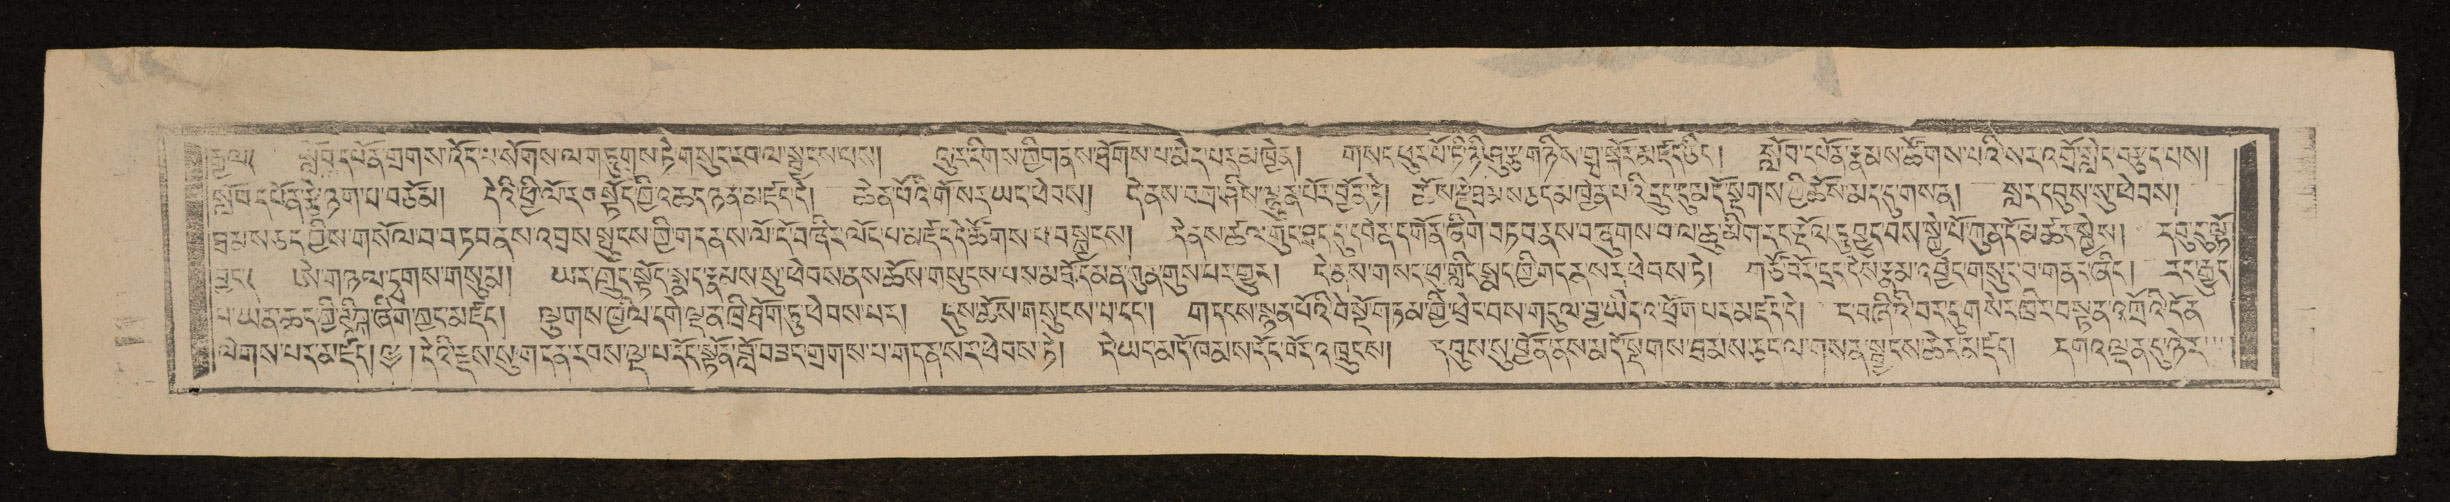རྒྱལ༑ སློབ་དཔོན་གྲགས་འོད་བ་སོགས་ལ་གཏུགས་ཏེ་གསུང་རབ་ལ་སྦྱངས་པས། ལུང་རིགས་ཀྱི་གནས་ཐོགས་པ་མེད་པར་མཁྱེན། གསང་ཕུར་པོ་ཏི་ཉི་ཤུ་རྩ་གཉིས་གྲྭ་སྐོར་མཛད་ཅིང་། སློབ་དཔོན་རྣམས་ཚོགས་པའི་སར་བགྲོ་གླེང་བརྩད་པས།
སློབ་དཔོན་རྩེ་ཉག་པ་བཅོམ། དེའི་ཕྱི་ལོར་བསྟོད་ཀྱི་འཆད་ཉན་མཛད་དེ། ཆེན་པོའི་གོ་སར་ཡང་ཕེབས། དེ་ནས་བཀྲ་ཤིས་ལྷུན་པོར་བྱོན་ཏེ། ཆོས་རྗེ་ཐམས་ཅད་མཁྱེན་པའི་དྲུང་དུ་མདོ་སྔགས་ཀྱི་ཆོས་མང་དུ་གསན། སླར་དབུས་སུ་ཕེབས།
ཐམས་ཅད་ཀྱིས་གསོལ་བ་བཏབ་ནས་འབྲས་སྤུངས་ཀྱི་གདན་ས་ལོ་ངོ་བཞིར་ལོང་པ་མཛད་དེ་ཚོགས་པ་བསྐྱངས། དེ་ནས་ཚལ་གུང་ཐང་དུ་དབེན་དགོན་ཞིག་བཏབ་ནས་བཞུགས་པ་ལ་ཆུ་མིག་རང་རྡོལ་ཏུ་བྱུང་བས་སྐྱེ་བོ་ཀུན་ངོ་མཚར་སྐྱེས། དབུ་དུ་ལྷོ་
བྱང༑ ཨེ་གཉལ་དྭགས་གསུམ། ཡར་ཀླུང་སྟོད་སྨད་རྣམས་སུ་ཕེབས་ནས་ཆོས་གསུངས་པས་མཐོ་དམན་ཀུན་གུས་པར་གྱུར། དེ་ནས་གསང་ཕུ་གླིང་སྨད་ཀྱི་གདན་སར་ཕེབས་ཏེ། གཙོ་བོར་དྲང་ངེས་རྣམ་འབྱེད་གསུང་པ་གནང་ཞིང་། རང་རྒྱུད་
པ་ཡན་ཆད་ཀྱི་ཊཱིཀྐ་ཞིག་ཀྱང་མཛད། ལྕགས་ཁྱི་ལ་དགེ་ལྡན་ཁྲི་ཐོག་ཏུ་ཕེབས་པར། དུས་ཆོས་གསུངས་པ་དང་། གདངས་སྙན་པོའི་བསྔོ་གཏམ་གྱི་ཕྲེང་བས་གདུལ་བྱ་ཡིད་འཕྲོག་པར་མཛད་དེ། ང་བཞིའི་བར་དུ་གསེར་ཁྲིར་བསྟན་འགྲོའི་དོན་
ལེགས་པར་མཛད། ༈ །དེའི་རྗེས་སུ་གདན་རབས་ལྔ་པ་རོང་སྟོན་བློ་བཟང་གྲགས་པ་གདན་སར་ཕེབས་ཏེ། དེ་ཡང་མདོ་ཁམས་རོང་པོར་འཁྲུངས། དབུས་སུ་བྱོན་ནས་མདོ་སྔགས་ཐམས་ཅད་ལགས་ན་སྦྱངས་ཆེར་མཛད། དགའ་ལྡན་དུ་ཉེར་